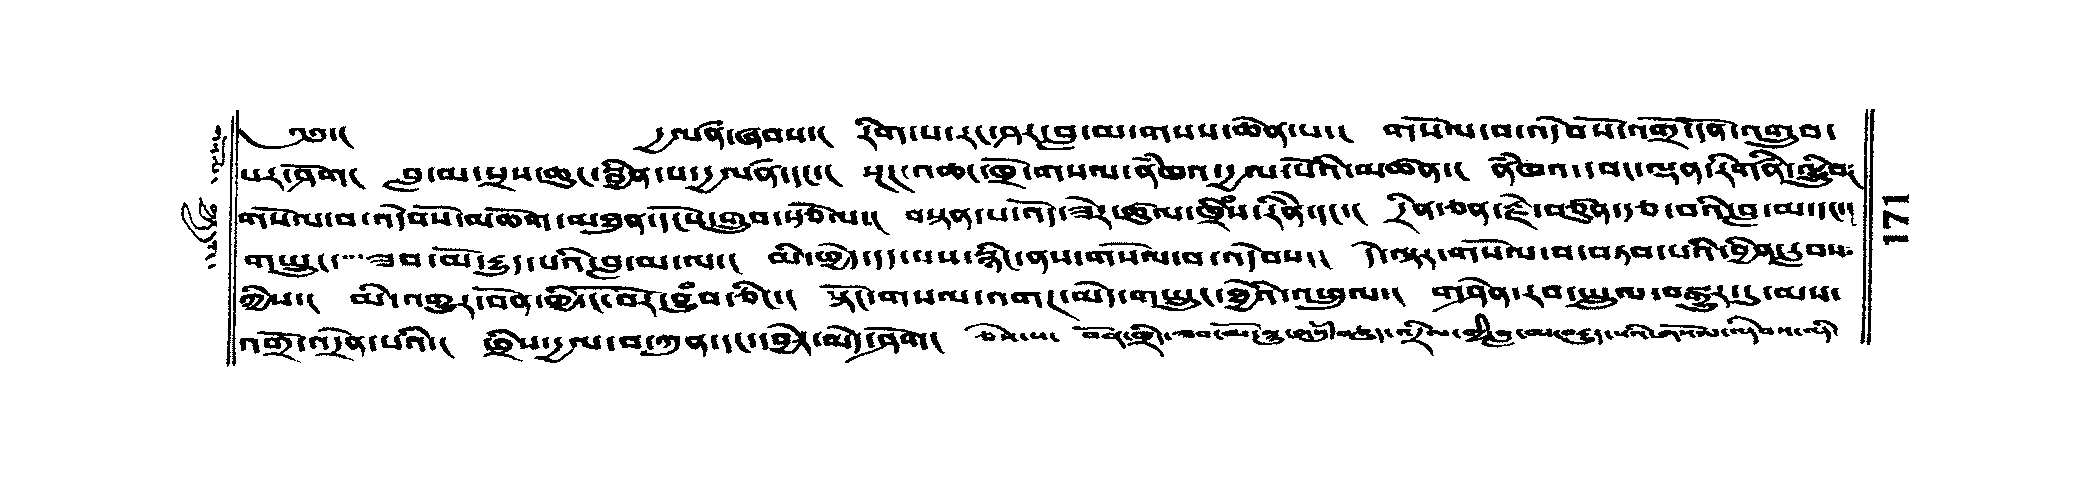རྒྱལ་མཚན་ཞབས། །རིག་པ་རང་ཤར་བླ་མ་གསས་ཆེན་པ། །གསོལ་བ་འདེབས་སོ་འགྲོ་དོན་འགྲུབ་
པར་ཤོག །བླ་མ་སྲས་ཆུང་སྦྱིན་པ་རྒྱལ་མཚན་དང་། །སྔགས་འཆང་ཁྲོ་གསལ་ནམ་མཁའ་རྒྱལ་པོའི་མཚན། །ནམ་མཁའ་དབང་ལྡན་རིག་འཛིན་ལྷུན་
གྱིས་གྲུབ། །གསོལ་བ་འདེབས་སོ་མཆོག་ཐུན་དངོས་གྲུབ་སྩོལ། །བསྟན་པ་འོད་ཟེར་ཚུལ་ཁྲིམས་རིན་ཆེན་དང་། །དྲིན་ཅན་རྗེ་བཙུན་རྩ་བའི་བླ་མ་དང་། །
གཡུང་དྲུང་ཟབ་མོ་རྒྱུད་པའི་བླ་མ་ལ། །མི་ཕྱེད་དད་པས་སྙིང་ནས་གསོལ་བ་འདེབས། །དེ་ལྟར་གསོལ་བ་བཏབ་པའི་བྱིན་རླབས་
ཀྱིས། །མི་འགྱུར་བོན་གྱི་ངོ་བོར་བྱང་ཆུབ་ཅིང་། །སྟོང་གསལ་འགགས་མེད་གཡུང་དྲུང་ཐུགས་རྗེའི་འཕྲུལ། །གཤེན་རབ་སྤྲུལ་བསྒྱུར་དུ་མས་
འགྲོ་འདྲེན་པའི། །ཕྲིན་ལས་རྒྱལ་བ་ཀུན་དང་དབྱེར་མེད་ཤོག ཅེས་པ་བོན་ཁྲིད་ཟབ་མོ་སྐུ་གསུམ་བཅུད་འདྲིལ་གྱི་བླ་མ་བརྒྱུད་པའི་གསོལ་འདེབས་འདི་